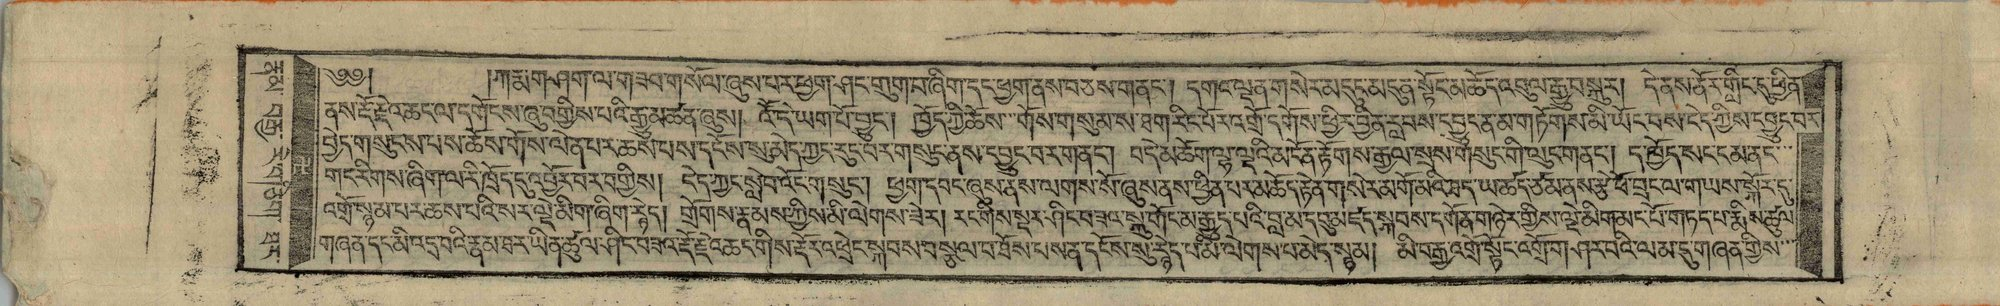༄༅། །ཀརྨ་གཤག་ལ་གཟབ་གསོལ་ཞུས་པར་ཕྱག་ཤང་གུག་པ་ཞིག་དང་ཕྱག་ནས་བཅས་གནང་། དགའ་ལྡན་གསེར་མདུང་མདུན་སྟོང་མཆོད་འབུལ་རྒྱུ་བསྐུར། དེ་ནས་ནོར་གླིང་དུ་ཕྱིན་
ནས་རྡོ་རྗེ་འཆང་ལ་དགོངས་ཞུ་བགྱིས་པའི་རྒྱུ་མཚན་ཞུས། འཽ་དེ་ཡག་པོ་བྱུང་། ཁྱོད་ཀྱི་ཆོས་གོས་གསུམ་ས་ཐག་རིང་པོར་འགྲོ་དགོས་ཕྱིར་བྱིན་རླབས་དབྱུང་ན་མ་གཏོགས་མི་ཡོང་བས་ངེད་ཀྱིས་དབྱུང་བར་
བྱེད་གསུངས་པས་ཆོས་གོས་ལེན་པར་ཆས་པས་དངོས་སུ་མེད་ཀྱང་རུང་བར་གསུང་ནས་དབྱུང་བར་གནང་། བདེ་མཆོག་ལྷ་ལྔའི་མངོན་རྟོགས་རྒྱལ་སྲས་གསུང་གི་ལུང་གནང་། ད་ཁྱོད་སང་ངམ་ནང་
གང་རིགས་ཞིག་ལ་རི་ཁྲོད་དུ་འབྱོར་བར་བགྱིས། ངེད་ཀྱང་སླེབ་འོང་གསུང་། ཕྱག་དབང་ཞུས་ནས་ལགས་སོ་ཞུས་ནས་ཕྱིན་པར་མཆོད་རྟེན་གསེར་མགོ་མའི་ཐད་ཡ་ཚད་ཙམ་ནས་རྩེ་ཕོ་བྲང་ལ་གཡས་སྐོར་དུ་
འགྲོ་སྙམ་པར་ཆས་པའི་སར་ལྡེ་མིག་ཞིག་རྙེད། གྲོགས་རྣམས་ཀྱིས་མི་ལེགས་ཟེར། རང་གིས་སྔར་ཤིང་བཟའ་སྐུ་གོང་མ་རྒྱུད་པའི་བླ་མ་དབུ་མཛད་སྐབས་དགོན་གཉེར་གྱིས་ལྡེ་མིག་མང་པོ་གཏད་པ་རྨིས་ཚུལ་
གཞན་དང་མི་འདྲ་བའི་རྣམ་ཐར་ཡིན་ཚུལ་ཤིང་བཟའ་རྡོ་རྗེ་འཆང་གིས་རྡོར་འཕྲེང་སྐབས་བསྩལ་བ་ཐོས་པས་ན་དངོས་སུ་རྙེད་པ་མི་ལེགས་པ་མེད་སྙམ། མི་བརྒྱ་འགྲོ་སྟོང་འགྲོ་གཤར་བའི་ལམ་དུ་གཞན་གྱིས་